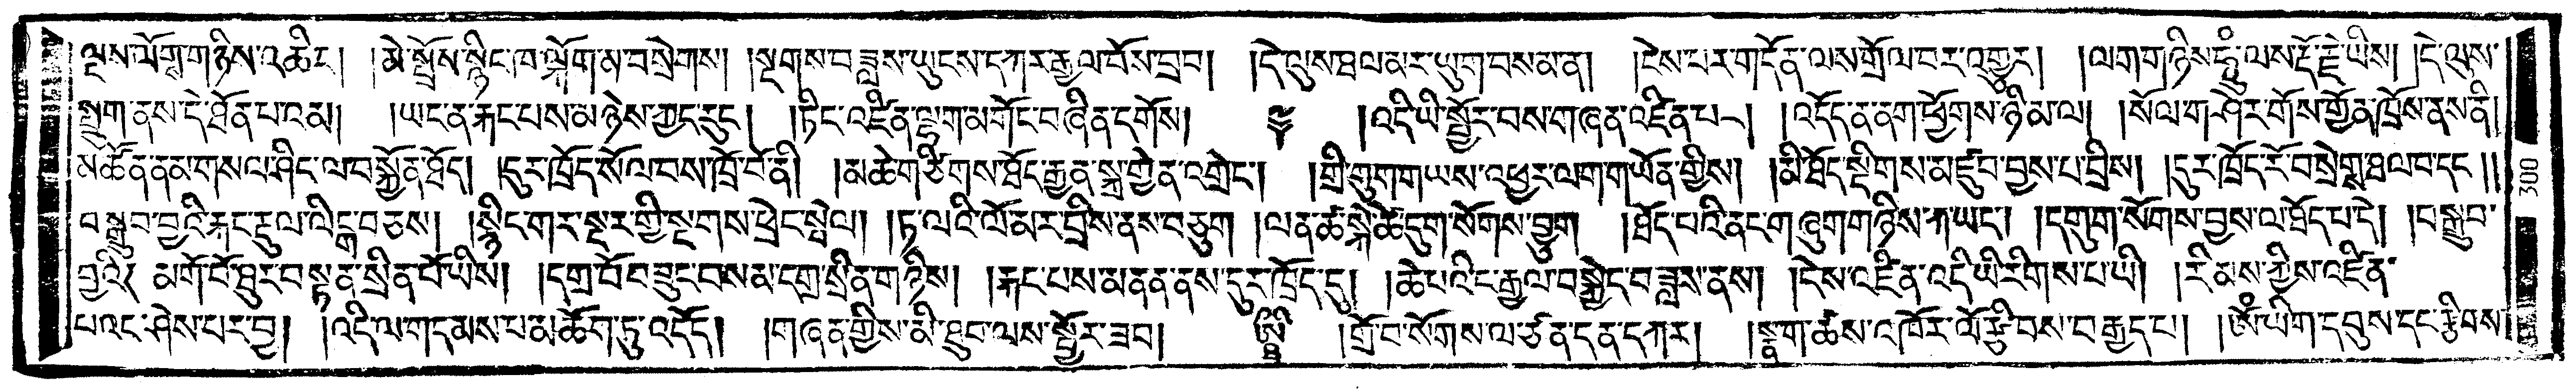ལྔས་ལོགས་གཉིས་འཆིང་། །མེ་སྤྲོས་སྙིང་ཁ་ལྐོག་མ་བསྲེགས། །སྔགས་བཟླས་ཡུངས་དཀར་རྒྱལ་པོས་བྲབ། །དེ་ལུས་ཐལ་མར་ཡུག་བསམ་ན། །ངེས་པར་གདོན་ལས་གྲོལ་བར་འགྱུར། །ལག་གཉིས་ཧཱུཾ་ལས་རྡོ་རྗེ་ཡིས། །དེ་ལུས་
སྤྲུག་ནས་དེ་ཐོན་པ་འམ། །ཡང་ན་རྐང་པས་མཉེས་ཀྱང་རུང་། །ཏིང་འཛིན་ལྷག་མ་གོང་བཞིན་དགོས། ༈ །འདི་ཡི་སྦྱོར་བས་གཞན་འཛིན་པར། །འདོད་ན་ནག་ཕྱོགས་ཉི་མ་ལ། །སོལ་གཤེར་གོས་གྱོན་ཁྲོས་ནས་ནི།
མཚོན་ནམ་གསལ་ཤིང་ལ་བསྐྱོན་ཐོད། །དུར་ཁྲོད་སོལ་བས་ཁྲོ་བོ་ནི། །མཆེ་གཙིགས་ཐོང་རྒྱན་སྐྲ་གྱེན་འགྲེང་། །གྲི་གུག་གཡས་འཕྱར་ལག་གཡོན་གྱིས། །མི་ཐོད་སྡིགས་མཛུབ་བྱས་པ་བྲིས། །དུར་ཁྲོད་རོ་བསྲེགས་ཐལ་བ་དང།།
བསྒྲུབ་བྱའི་རྐང་རྡུལ་ལིངྒ་བཅས། །སྙིང་གར་སྔར་གྱི་སྔགས་ཕྲེང་སྤེལ། །ཏ་ལའི་ལོ་མར་བྲིས་ནས་བཅུག །ལན་ཚ་སྐེ་ཚེ་དུག་སོགས་བྱུག །ཐོད་པའི་ནང་གཞུག་གཉིས་ཀ་ཡང་། །དགུག་སོགས་བྱས་ལ་ཐོད་པ་དེ། །བསྒྲུབ་
བྱའི༑ མགོ་བོ་ཐུར་བསྟན་སྲིན་པོ་ཡིས། །དགྲ་བོ་བཟུང་བསམ་དགྲ་སྲིན་གཉིས། །རྐང་པས་མནན་ནས་དུར་ཁྲོད་དུ། །ཆེ་པའི་ང་རྒྱལ་བསྐྱེད་བཟླས་ནས། །དེས་འཛིན་འདི་ཡི་རིགས་པ་ཡི། །རིམས་ཀྱིས་འཛིན་
པའང་ཤེས་པར་བྱ། །འདི་ལ་གདམས་པ་མཆོག་ཏུ་འདོད། །གཞན་གྱིས་མི་ཐུབ་ལས་སྦྱོར་ཟབ། ཨྀཐི་།གྲོ་བ་སོགས་ལ་ཙན་དན་དཀར། །སྣག་ཚས་འཁོར་ལོ་རྩིབས་བརྒྱད་པ། །ཨོཾ་ཡིག་དབུས་དང་རྩིབས་